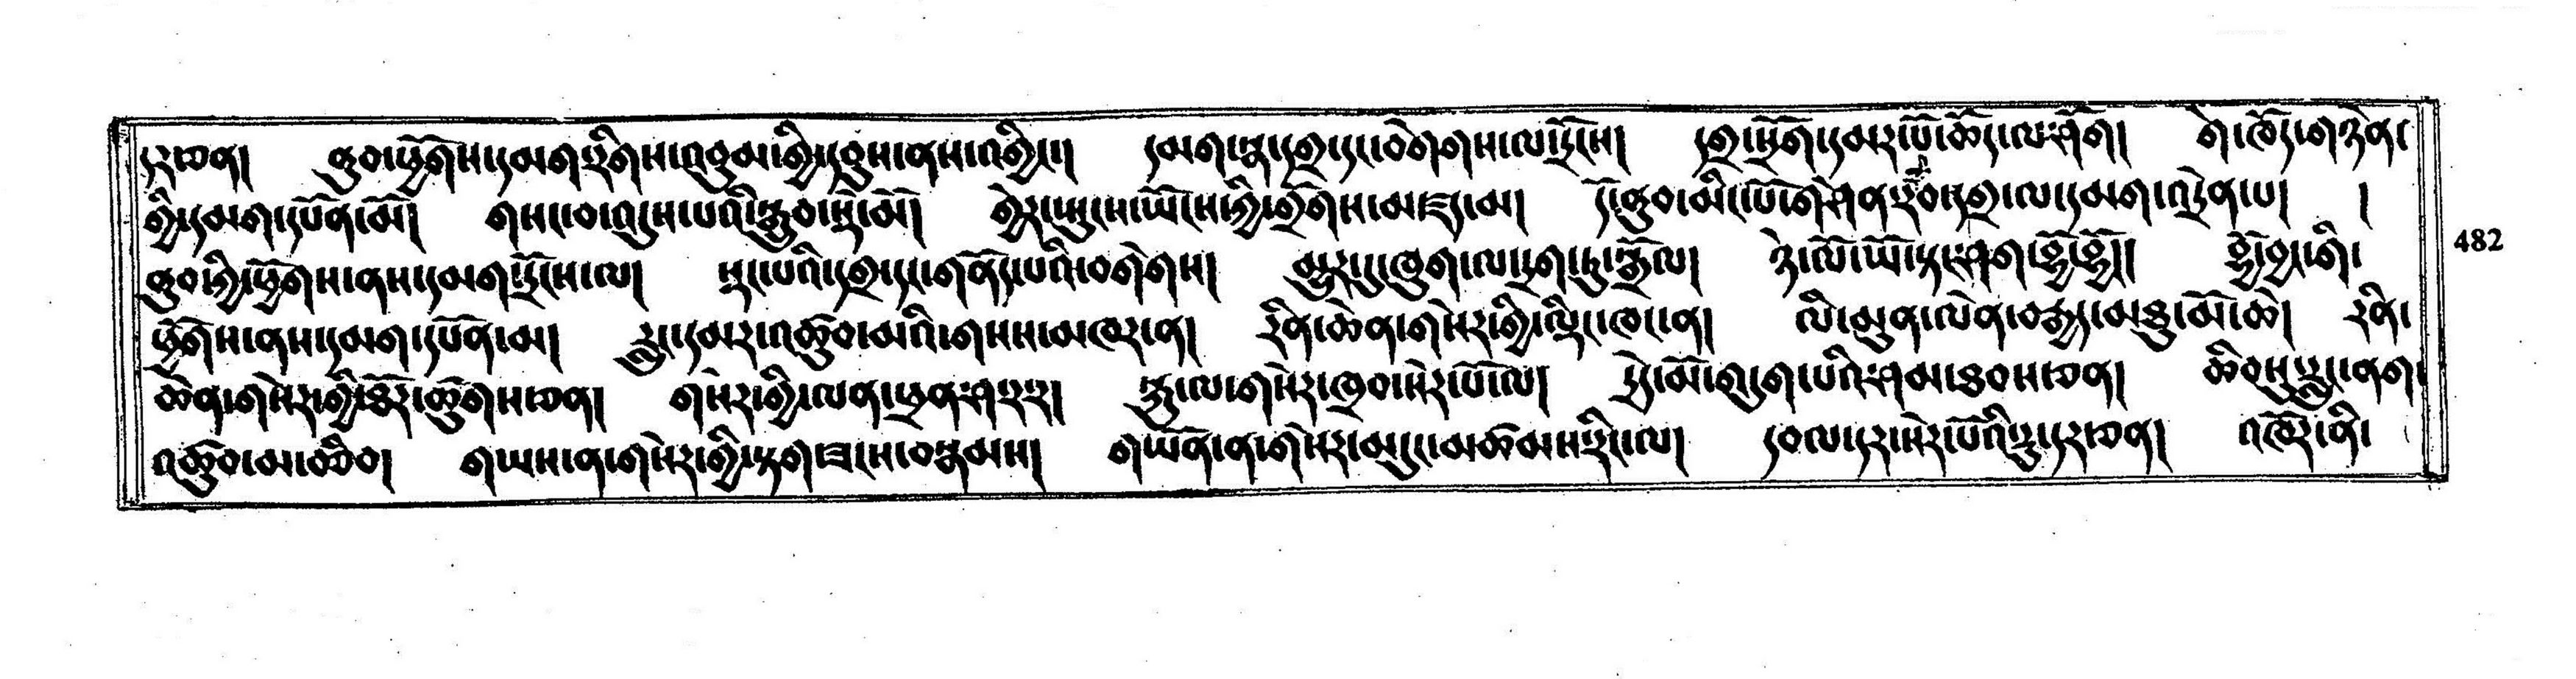དར་ཅན། ནུབ་ཕྱོགས་དམག་རིགས་འབུམ་གྱི་དབུས་ནས་འགྱིང་། དམག་སྣ་དགྲ་དང་བགེགས་ལ་དྲོངས། དགྲ་སྲོག་{495}དམར་པོ་ཆོད་ལ་ཤོག གེ་ཁོད་གཉེན་
གྱི་དམག་དཔོན་མོ། གསང་བ་འདུས་པའི་སྒྲུབ་སྡེ་མོ། གྱེར་སྤུངས་ཡོངས་ཀྱི་གྲོགས་མཛད་མ། དོ་ནུབ་མིང་པོ་གཤེན་རབ་དགྲ་ལ་དམག་འདྲེན་པ། 
ནུབ་ཀྱི་ཕྱོགས་ནས་དམག་དྲོངས་ལ། སྡང་པའི་དགྲ་དང་གནོད་པའི་བགེགས། མྱུར་དུ་ཁུག་ལ་དྲག་ཏུ་སྒྲོལ། ཉེ་ལོ་ཡོ་སྟང་ཤག་བྷྱོ་བྷྱོ།། །།བྷྱོ་བྱང་གི་
ཕྱོགས་ནས་དམག་དཔོན་མ། རླུང་དམར་འཚུབ་མའི་གསས་མཁར་ན། རིན་ཆེན་གསེར་གྱི་ལྡིང་ཁང་ན། ལི་མུན་ལེན་བརྒྱད་མཐུ་མོ་ཆེ། རིན་
ཆེན་གསེར་གྱི་ཐོར་ཚུགས་ཅན། གསེར་གྱི་ལན་ཕྲན་ཤ་ར་ར། སྐུ་ལ་གསེར་ཁྲབ་སེར་པོ་ལ། དྲེད་མོ་གདུག་པའི་ཤམ་ཐབས་ཅན། ཆིབས་སུ་རླུང་ནག་
འཚུབ་མ་བཅིབ། གཡས་ན་གསེར་གྱི་སྟག་ཟངས་བསྣམས། གཡོན་ན་གསེར་མདུང་མཚམས་རིང་ལ། དབལ་དར་སེར་པོའི་རུ་དར་ཅན། འཁོར་ནི་